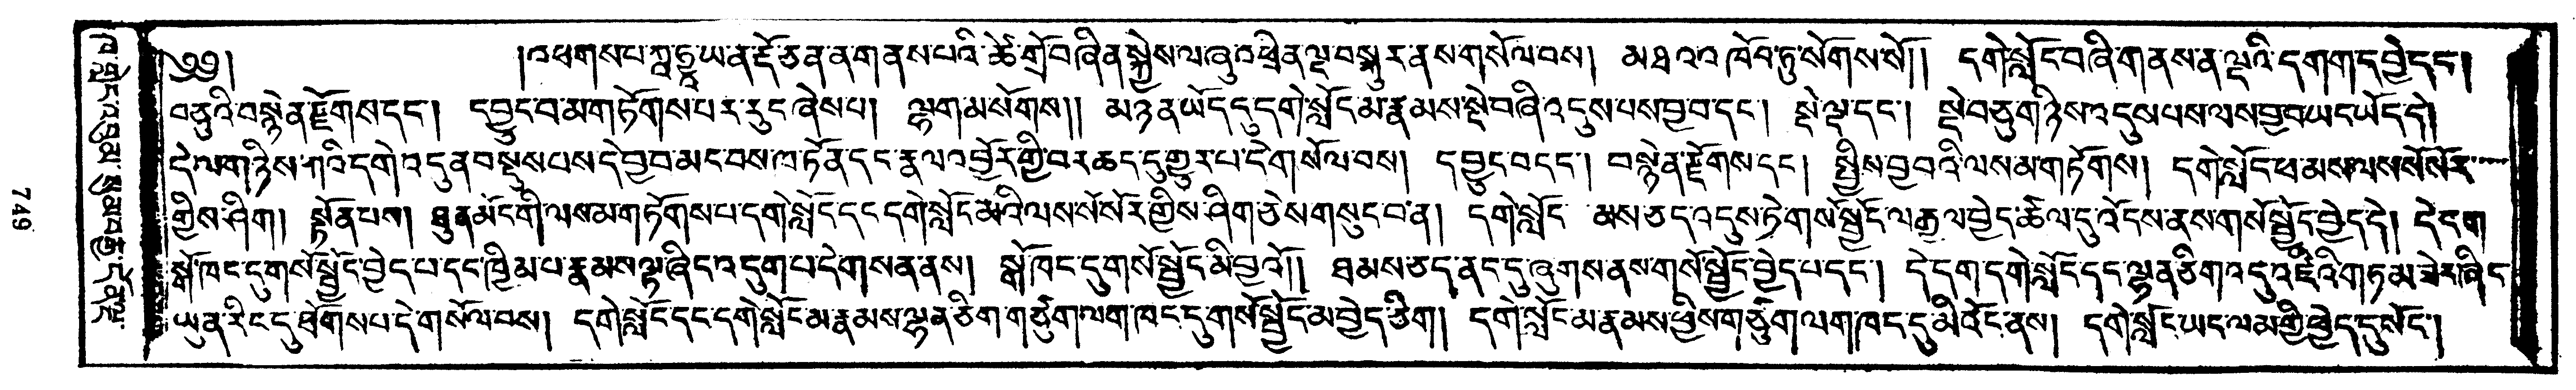༄༅། །འཕགས་པ་ཀཱ་ཏྱཱ་ཡ་ན་རྡོ་ཅན་ན་གནས་པའི་ཚེ་གྲོ་བཞིན་སྐྱེས་ལ་ཞུ་འཕྲིན་ལྔ་བསྐུར་ནས་གསོལ་བས། མཐའ་འཁོབ་ཏུ་སོགས་སོ།། དགེ་སློང་བཞི་གནས་ན་ལྔའི་དགག་དབྱེ་དང་།
བཅུའི་བསྙེན་རྫོགས་དང་། དབྱུང་བ་མ་གཏོགས་པར་རུང་ཞེས་པ། ལྷག་མ་སོགས།། མཉན་ཡོད་དུ་དགེ་སློང་མ་རྣམས་སྡེ་བཞི་འདུས་པས་བྱ་བ་དང་། སྡེ་ལྔ་དང་། སྡེ་བཅུ་གཉིས་འདུས་པས་ལས་བྱ་བ་ཡང་ཡོད་དེ།
དེ་ལ་གཉིས་ཀའི་དགེ་འདུན་བསྡུས་པས་དེ་བྱ་བ་མང་བས་ཁ་ཏོན་དང་རྣལ་འབྱོར་བར་ཆད་དུ་གྱུར་པ་དེ་གསོལ་བས། དབྱུང་བ་དང་། བསྙེན་རྫོགས་དང་། སྦྱིས་བྱ་བའི་ལས་མ་གཏོགས། དགེ་སློང་ཕ་མས་ལས་སོ་སོར་
གྱིས་ཤིག། སྟོན་པས། ཐུན་མོང་གི་ལས་མ་གཏོགས་པ་དགེ་སློང་དང་དགེ་སློང་མའི་ལས་སོ་སོར་གྱིས་ཤིག་ཅེས་གསུང་བ་ན། དགེ་སློང་མས་ཅད་འདུས་ཏེ་གསོ་སྦྱོང་ལ་རྒྱལ་བྱེད་ཚལ་དུ་འོངས་ནས་གསོ་སྦྱོང་བྱེད་དེ། དེ་དག་
སྒོ་ཁང་དུ་གསོ་སྦྱོང་བྱེད་པ་དང་ཁྱིམ་པ་རྣམས་ལྟ་ཞིང་འདུག་པ་དེ་གསན་ནས། སྒོ་ཁང་དུ་གསོ་སྦྱོང་མི་བྱའོ།། ཐམས་ཅད་ནང་དུ་ཞུགས་ནས་གསོ་སྦྱོང་བྱེད་པ་དང་། དེ་དག་དགེ་སློང་དང་ལྷན་ཅིག་འདུ་འཛིའི་གཏམ་ཟེར་ཞིང་
ཡུན་རིང་དུ་ཐོགས་པ་དེ་གསོལ་བས། དགེ་སློང་དང་དགེ་སློང་མ་རྣམས་ལྷན་ཅིག་གཙུག་ལག་ཁང་དུ་གསོ་སྦྱོང་མ་བྱེད་ཅིག། དགེ་སློང་མ་རྣམས་ཕྱིས་གཙུག་ལག་ཁང་དུ་མི་འོང་ནས། དགེ་སློང་ཡང་ལམ་གྱི་ཕྱེད་དུ་སོང་།